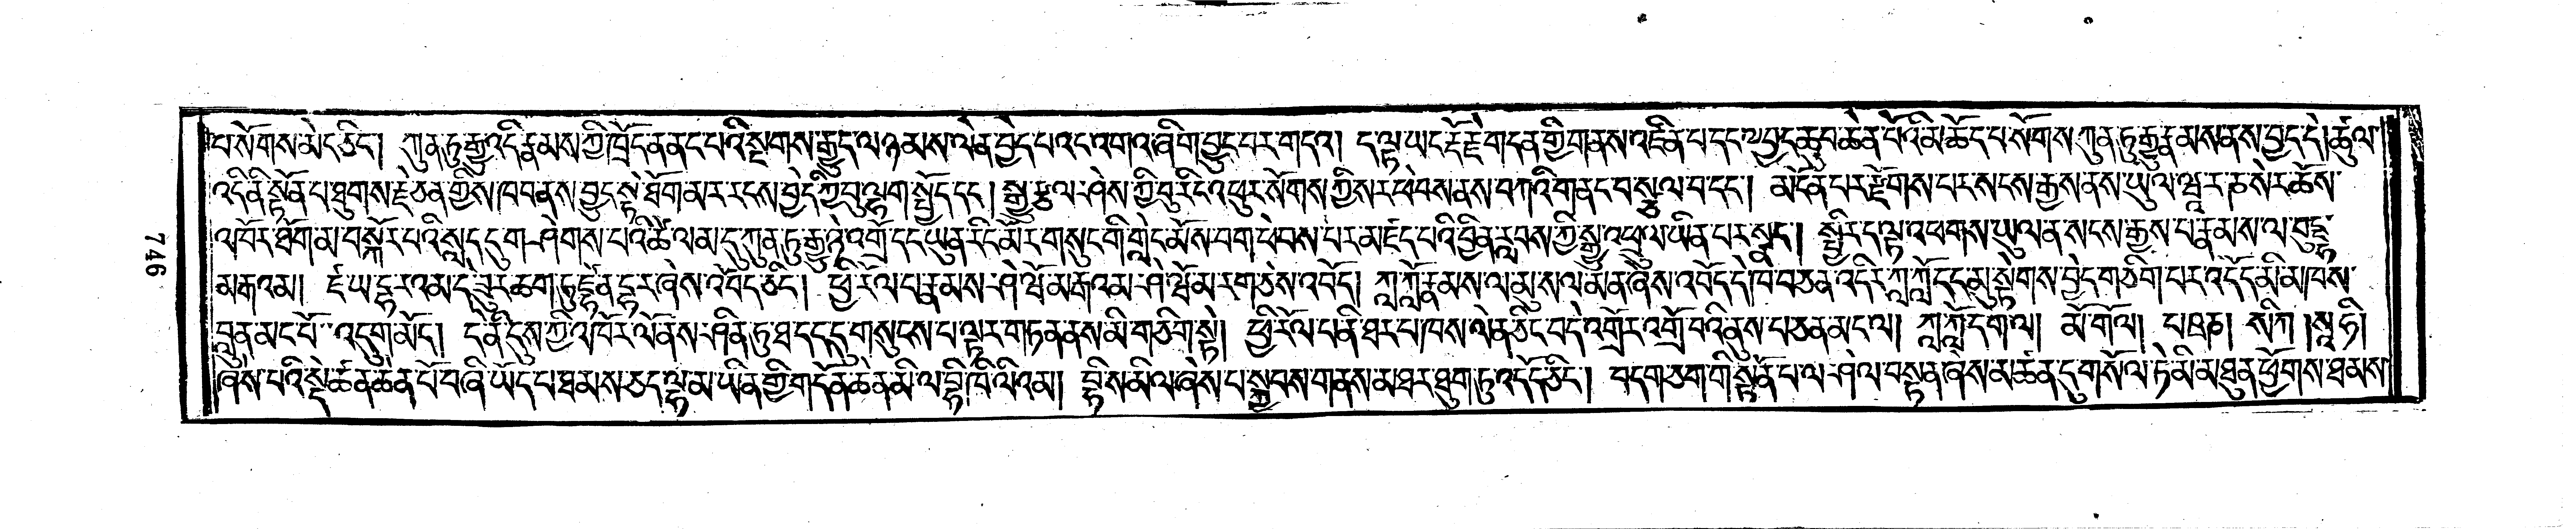པ་སོགས་མེད་ཅིང་། ཀུན་ཏུ་རྒྱུ་འདི་རྣམས་ཀྱི་ཁྲོད་ན་ནང་པའི་སྔགས་རྒྱུད་ལ་ཉམས་ལེན་བྱེད་པའང་འགའ་ཞིག་བྱུང་བར་གདའ། ད་ལྟ་ཡང་རྡོ་རྗེ་གདན་གྱི་གནས་འཛིན་པ་དང ༧་བྱང་ཆུབ་ཆེན་པོའི་མཆོད་པ་སོགས་ཀུན་ཏུ་རྒྱུ་རྣམས་ནས་བྱད་དེ། ཚུལ་
འདི་ནི་སྟོན་པ་ཐུགས་རྗེ་ཅན་གྱིས་ཁབ་ནས་བྱུང་སྟེ་ཐོག་མར་རངས་བྱེད་ཀྱི་བུ་ལྷག་སྤྱོད་དང་། སྒྱུ་རྩལ་ཤེས་ཀྱི་བུ་རིང་འཕུར་སོགས་ཀྱི་སར་ཕེབས་ནས་བཀའི་གནང་བ་སྩལ་བ་དང་། མངོན་པར་རྫོགས་པར་སངས་རྒྱས་ནས་ཡུལ་ཝཱ་ར་ཎ་སེར་ཆོས་
འཁོར་ཐོག་མ་བསྐོར་པའི་སླད་དུ་གཤེགས་པའི་ཚེ་ལམ་དུ་ཀུན་ཏུ་རྒྱུ་ཉེ་འགྲོ་དང་ཡུན་རིང་མོར་གསུང་གི་གླེང་མོས་བག་ཕེབས་པར་མཛད་པའི་བྱིན་རླབས་ཀྱི་སྒྱུ་འཕྲུལ་ཡིན་པར་སྣང་། སྤྱིར་ད་ལྟ་འཕགས་ཡུལ་ན་སངས་རྒྱས་པ་རྣམས་ལ་བུདྡྷ་
མརྒའམ། ཛ་ཡ་དྷ་རའམ་དེ་ཟུར་ཆག་ཏུ་ཛྷེ་ན་དྷ་ར་ཞེས་འོ་བད་ཅིང་། ཕྱི་རོལ་པ་རྣམས་ཤེ་ཝོ་མྲྒའམ་ཤེ་ཝོ་མ་རག་ཅེས་འབོད། ཀླ་ཀློ་རྣམས་ལ་མུ་སལ་མན་ཞེས་འབོད་དེ་ཁ་བཅན་འདིར་ཀླ་ཀློ་དང་མུ་སྟེགས་བྱེད་གཅིག་པར་འདོད་མི་མཁས་
བླུན་མང་པོ་འདུག་མོད། དེ་ནི་དུས་ཀྱི་འཁོར་ལོ་ནས་ཤིན་ཏུ་ཐ་དད་དུ་གསུངས་པ་ལྟར་གཏན་ནས་མི་གཅིག་སྟེ། ཕྱི་རོལ་པ་ནི་ཐར་པ་ཁས་ལེན་ཅིང་བདེ་འགྲོར་འགྲོ་བའི་ནུས་པ་ཅན་མང་ལ། ཀླ་ཀློ་དག་ལ། མོ་གོལ། པཊཿཨཎ། སིཀ །སཱཧི།
ཞེས་པའི་སྡེ་ཚན་ཆེན་པོ་བཞི་ཡོད་པ་ཐམས་ཅད་ལྷ་མ་ཡིན་གྱི་གདོན་ཆེན་མི་ལ་བྷི་ཁི་ལིའམ། བྷི་ས་མིལ་ཞེས་པ་སྐྱབས་གནས་མཐར་ཐུག་ཏུ་འདོད་ཅིང་། བདག་ཅག་གི་སྟོན་པ་ལ་ཤེས་བསྟན་ཞེས་མཚན་དུ་གསོལ་ཏེ་མི་མཐུན་ཕྱོགས་ཐམས་